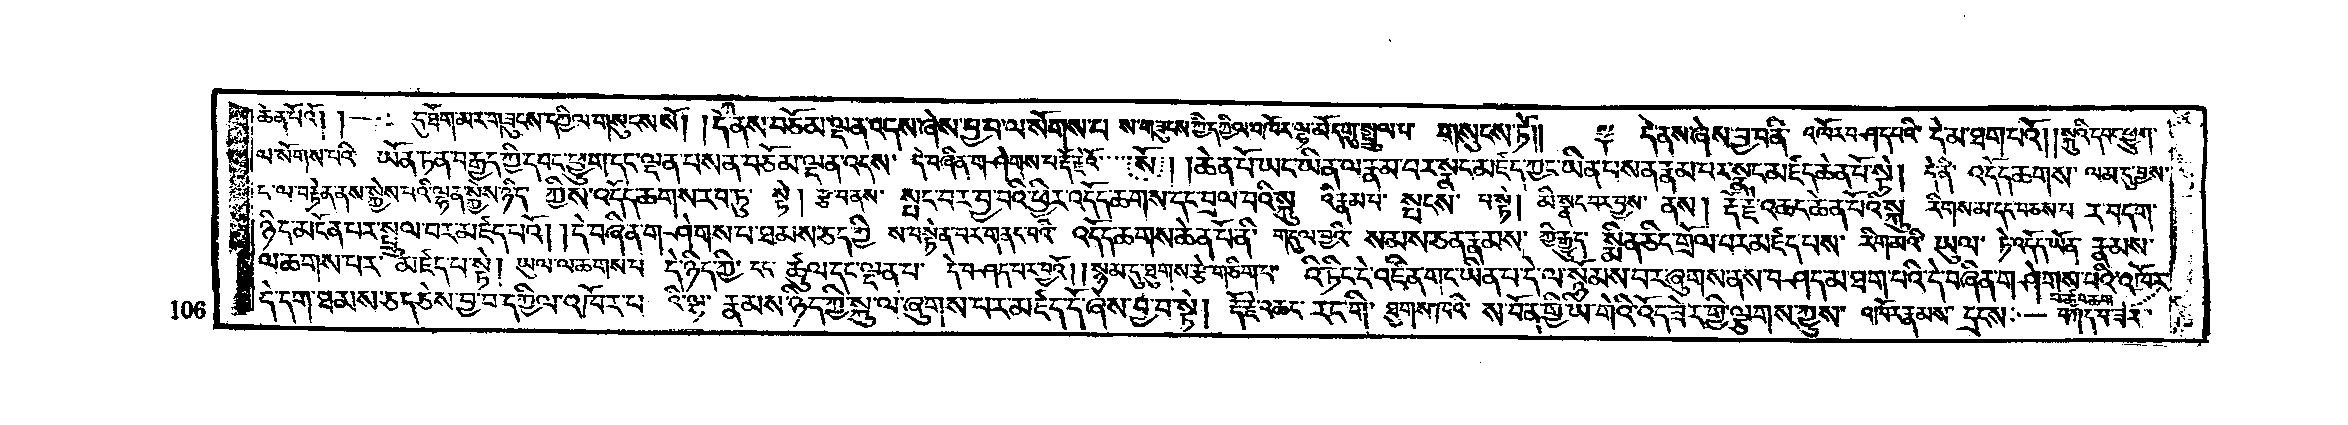ཆེན་པོའོ། ། .Hདུ་ཐོག་མར་གཟུངས་དཀྱིལ་གསུངས་སོ། །དེ་ག་ནས་བཅོམ་ལྡན་འདས་ཞེས་བྱ་བ་ལ་སོགས་པ་ས་གཟུངས་ཀྱི་དཀྱིལ་འཁོར་ལྷ་མོ་དགུ་སྤྲུལ་པ་གསུངས་ཏོ།། ༈ དེ་ནས་ཞེས་བྱ་བ་ནི་འཁོར་བཤད་པའི་དེ་མ་ཐག་པའོ། ། སྐུའི་དབང་ཕྱུག
ལ་སོགས་པའི་ཡོན་ཏན་བརྒྱད་ཀྱི་དབང་ཕྱུག་དང་ལྡན་པས་ན་བཅོམ་ལྡན་འདས་དེ་བཞིན་གཤེགས་པ་རྡོ་རྗེའོ་སོ། །ཆེན་པོ་ཡང་ཡིན་ལ་རྣམ་པར་སྣང་མཛད་ཀྱང་ཡིན་པས་ན་རྣམ་པར་སྣང་མཛད་ཆེན་པོ་སྟེ། དེ་ནི་འདོད་ཆགས་ལམ་དུ་བྱས་
པ་ལ་བརྟེན་ནས་སྐྱེས་པའི་ལྷན་སྐྱེས་ཉིད་ཀྱིས་འདོད་ཆགས་རབ་ཏུ་སྟེ། རྩ་བ་ནས་སྤང་བར་བྱ་བའི་ཕྱིར་འདོད་ཆགས་དང་བྲལ་བའི་སྐུ་འི་རྣམ་པ་སྤངས་པ་སྟེ། མི་སྣང་བར་བྱས་ནས། རྡོ་རྗེ་འཆང་ཆེན་པོའི་སྐུ་རིགས་མ་དང་བཅས་པ་ར་བདག་
ཉིད་མངོན་པར་སྤྲུལ་བར་མཛད་པའོ། །དེ་བཞིན་གཤེགས་པ་ཐམས་ཅད་ཀྱི་ས་བསྟེན་པར་གནང་བའི་འདོད་ཆགས་ཆེན་པོ་ནི་གདུལ་བྱའི་སེམས་ཅན་རྣམས་ཀྱི་རྒྱུད་སྨིན་ཅིང་གྲོལ་པར་མཛད་པས་རིག་མའི་ཡུལ་ཏེ་འདོད་ཡོན་རྣམས་
ལ་ཆགས་པར་མཛད་པ་སྟེ། ཡུལ་ལ་ཆགས་པ་དེ་ཉིད་ཀྱི་ངང་ཚུལ་དང་ལྡན་པ་དེ་བཤད་པར་བྱའོ། །སྙམ་དུ་ཐུགས་རྩེ་གཅིག་པའི་ཏིང་ངེ་འཛིན་གང་ཡིན་པ་དེ་ལ་སྙོམས་པར་ཞུགས་ནས་བཤད་མ་ཐག་པའི་དེ་བཞིན་གཤེགས་པའི་འཁོར་
དེ་དག་ཐམས་ཅད་ཅེས་བྱ་བ་དཀྱིལ་འཁོར་པའི་ལྷ་རྣམས་ཉིད་ཀྱི་སྐུ་ལ་ཞུགས་པར་མཛད་དོ་ཞེས་བྱ་བ་སྟེ། རྡོ་རྗེ་འཆང་རང་གི་ཐུགས་ཁའི་ས་བོན་གྱི་ཡི་གེའི་འོད་ཟེར་གྱི་ལྕགས་ཀྱུས་འཁོར་རྣམས་དྲངསཿ་པ་ཚབ་ཆག་བཀད་པ་ཟེར་